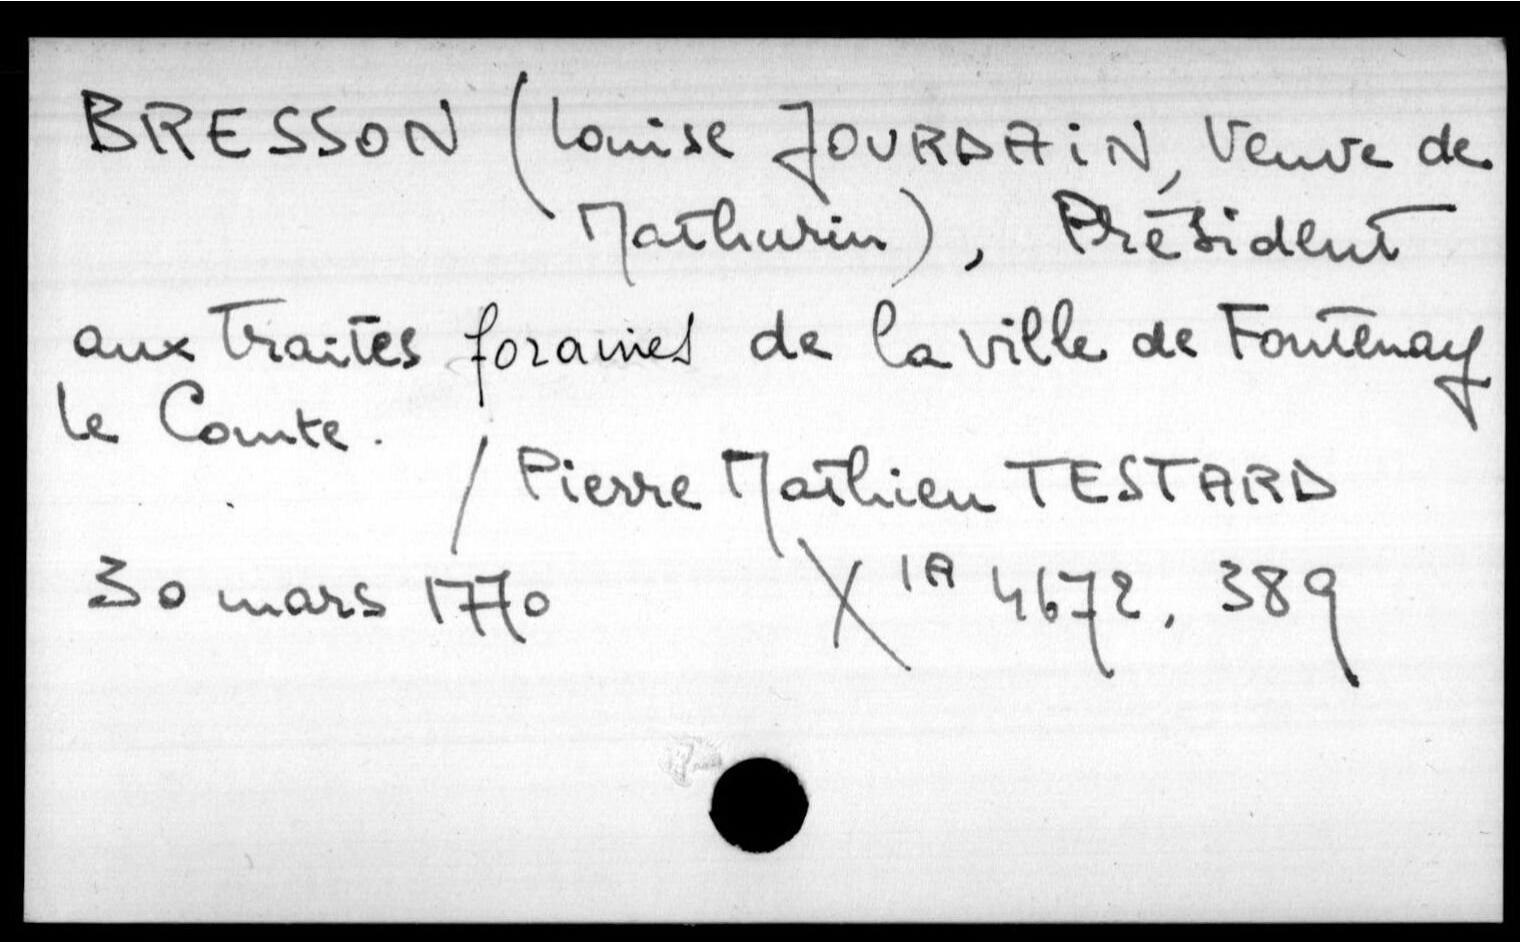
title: BRESSON (Louise JOURDAIN, veuve de Mathurin), Président aux Traites foraines de la ville de Fontenay le Comte.
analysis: Contre Pierre Mathieu TESTARD
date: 30 mars 1770
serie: X1A
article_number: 4672
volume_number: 389
